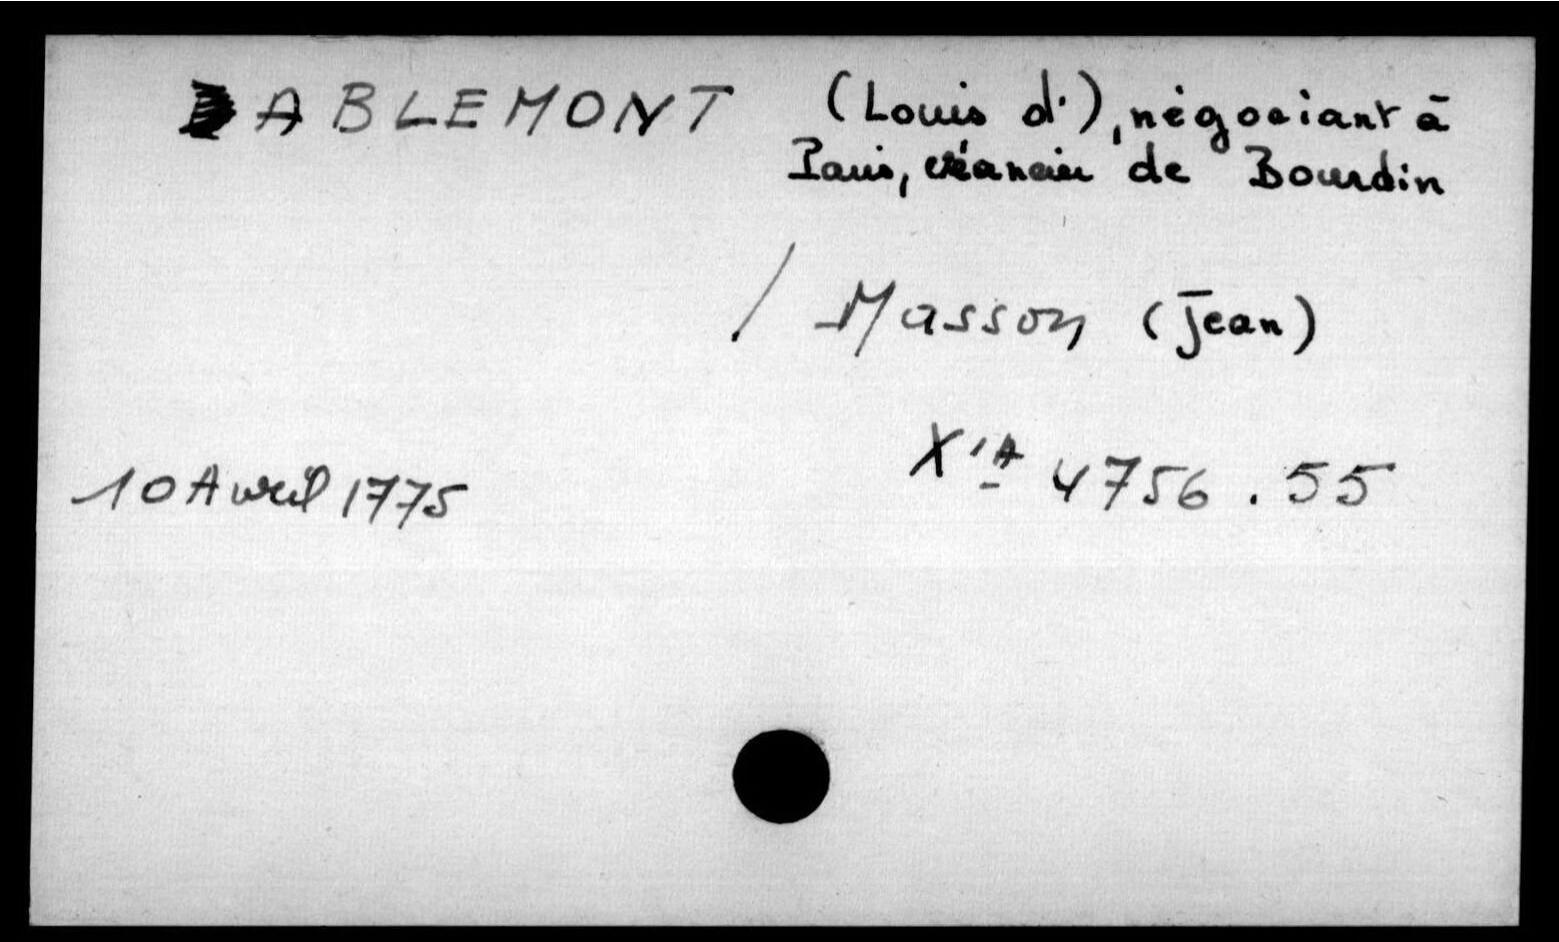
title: ABLEMONT (Louis d'), négociant à Paris, créancier de Bourdin
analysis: Contre Masson (Jean)
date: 10 avril 1775
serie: X1A
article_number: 4756
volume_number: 55
